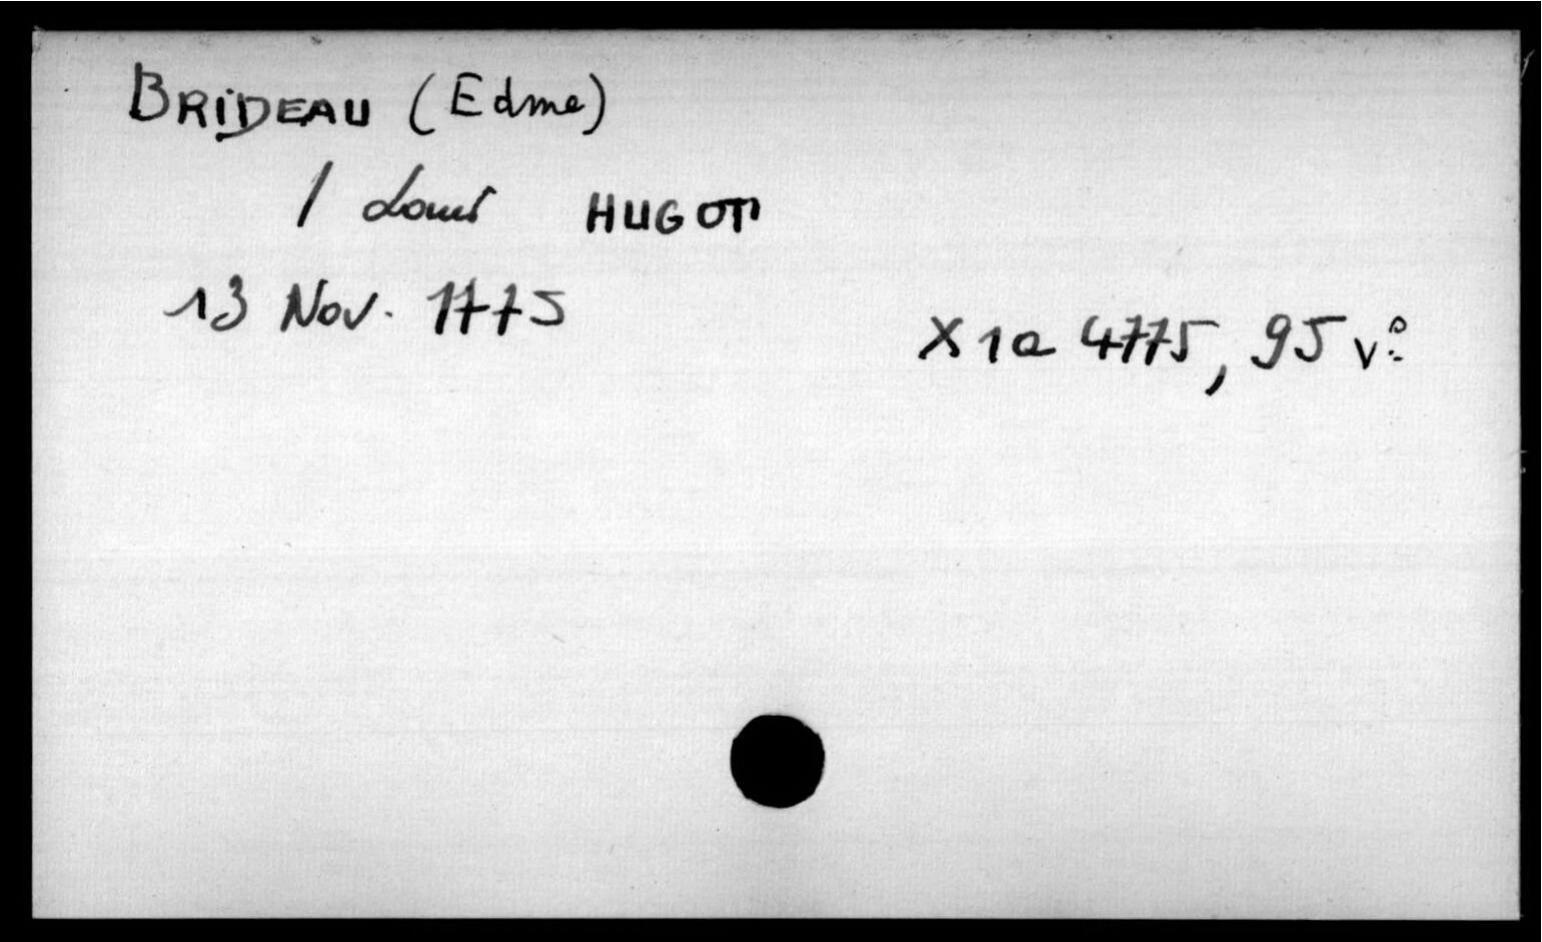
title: BRIDEAU (Edme)
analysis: Contre Louis HUGOT
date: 13 novembre 1775
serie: X1a
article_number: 4775
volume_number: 95v
